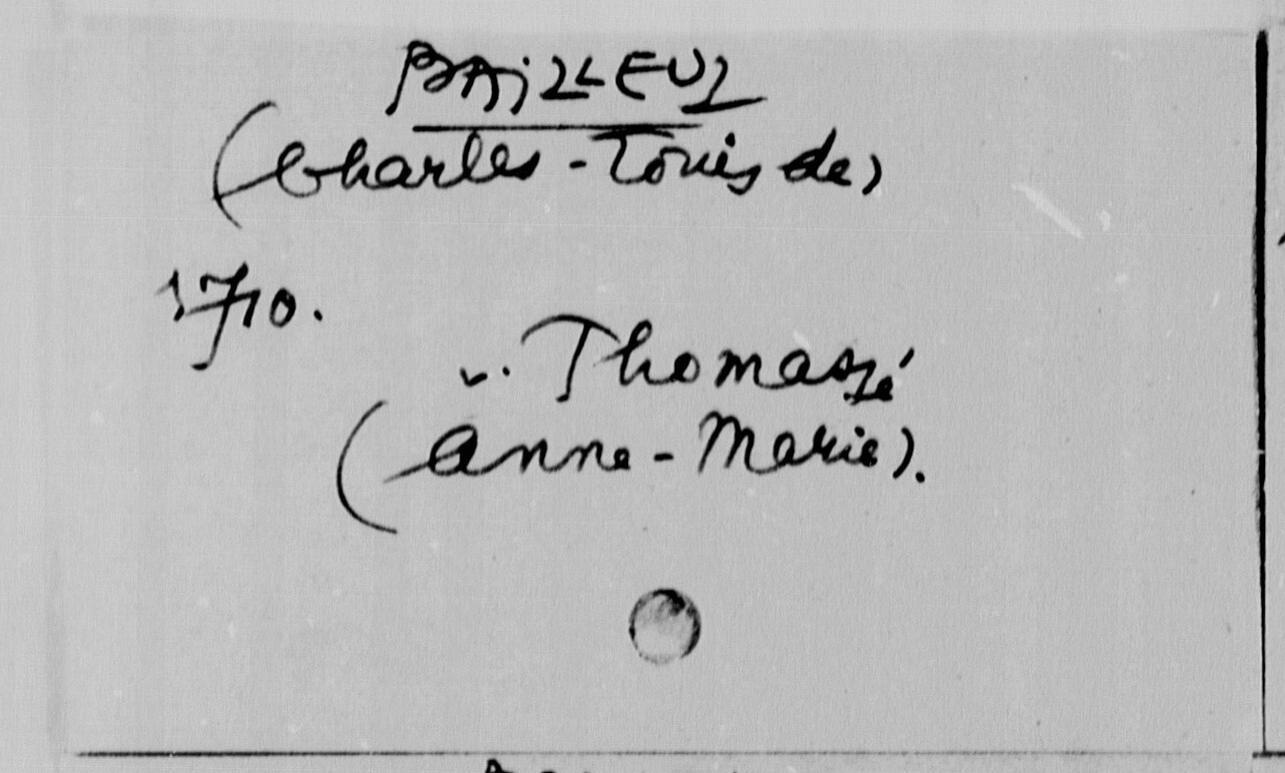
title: BAILLEUL (Charles-Louis de)
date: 1710
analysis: Voir Thomassé (Anne-Marie)
